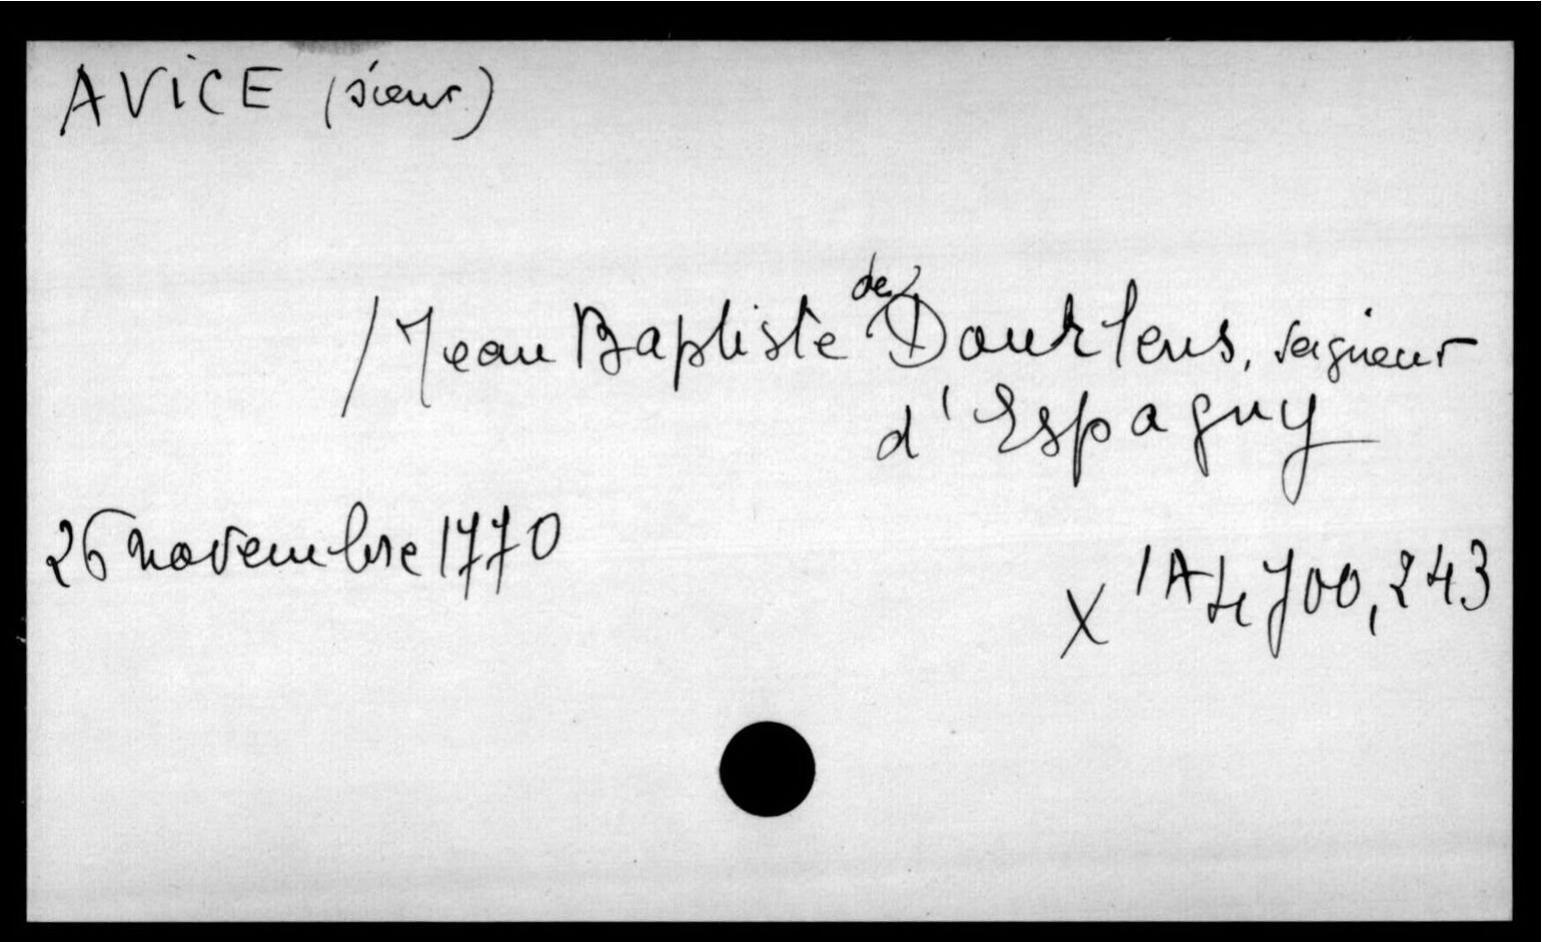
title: AVICE (sieur)
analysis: Contre Jean Baptiste de Dourlens, seigneur d'Espagny
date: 26 novembre 1770
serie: X1A
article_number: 4700
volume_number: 243
